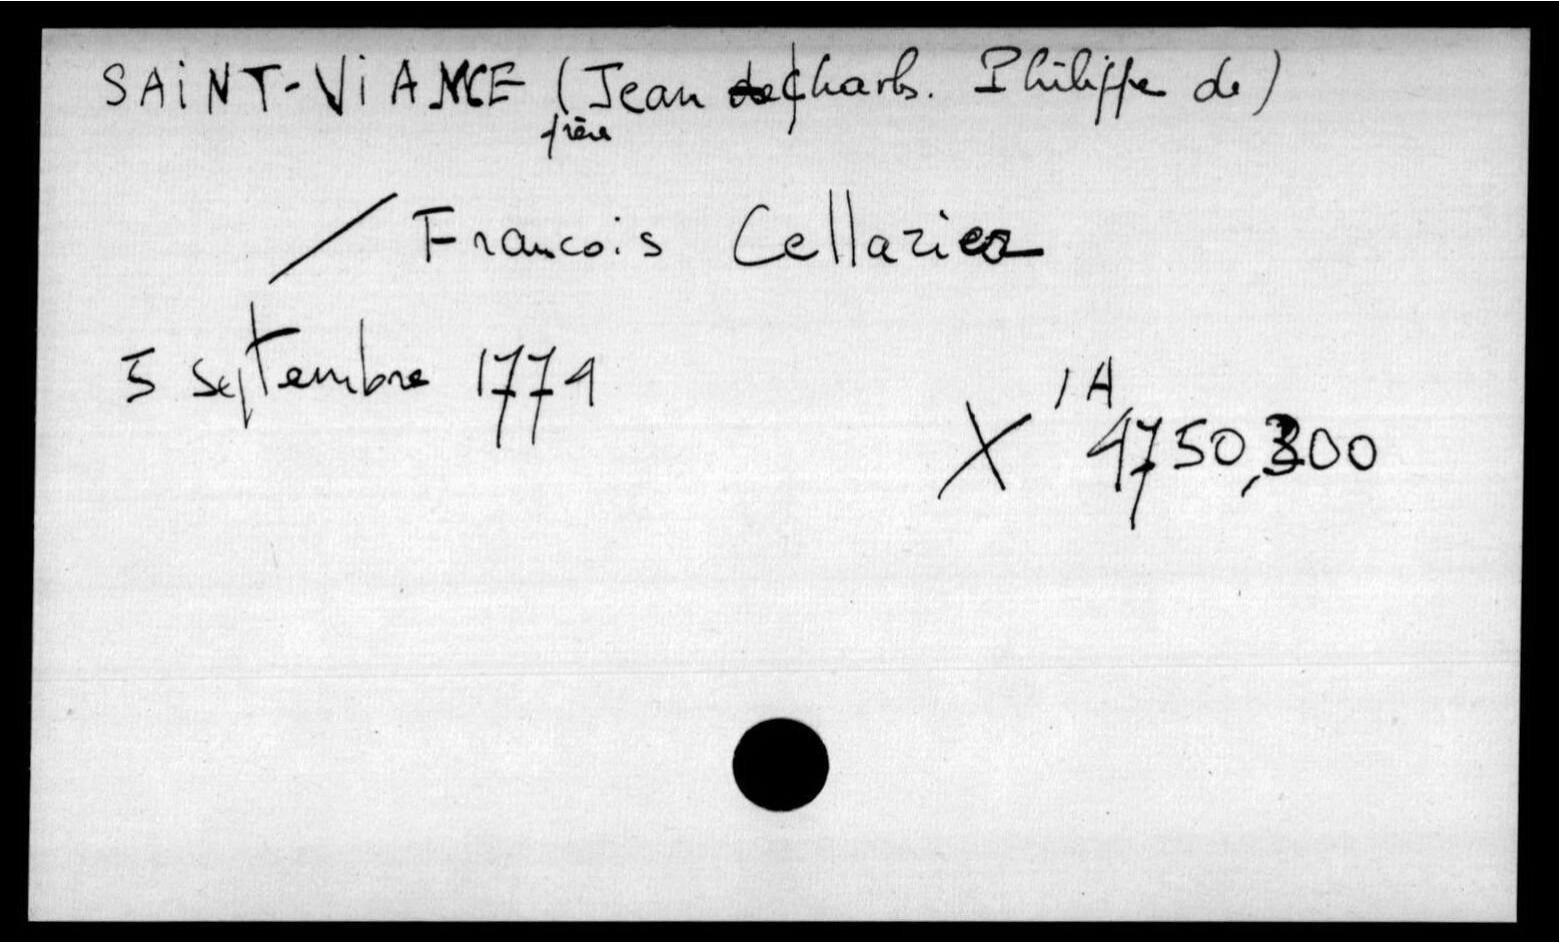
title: SAINT-VIANCE (Jean Charles-Philippe de) père
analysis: Contre François Cellarier
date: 5 septembre 1774
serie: X1A
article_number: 4750
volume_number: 300
